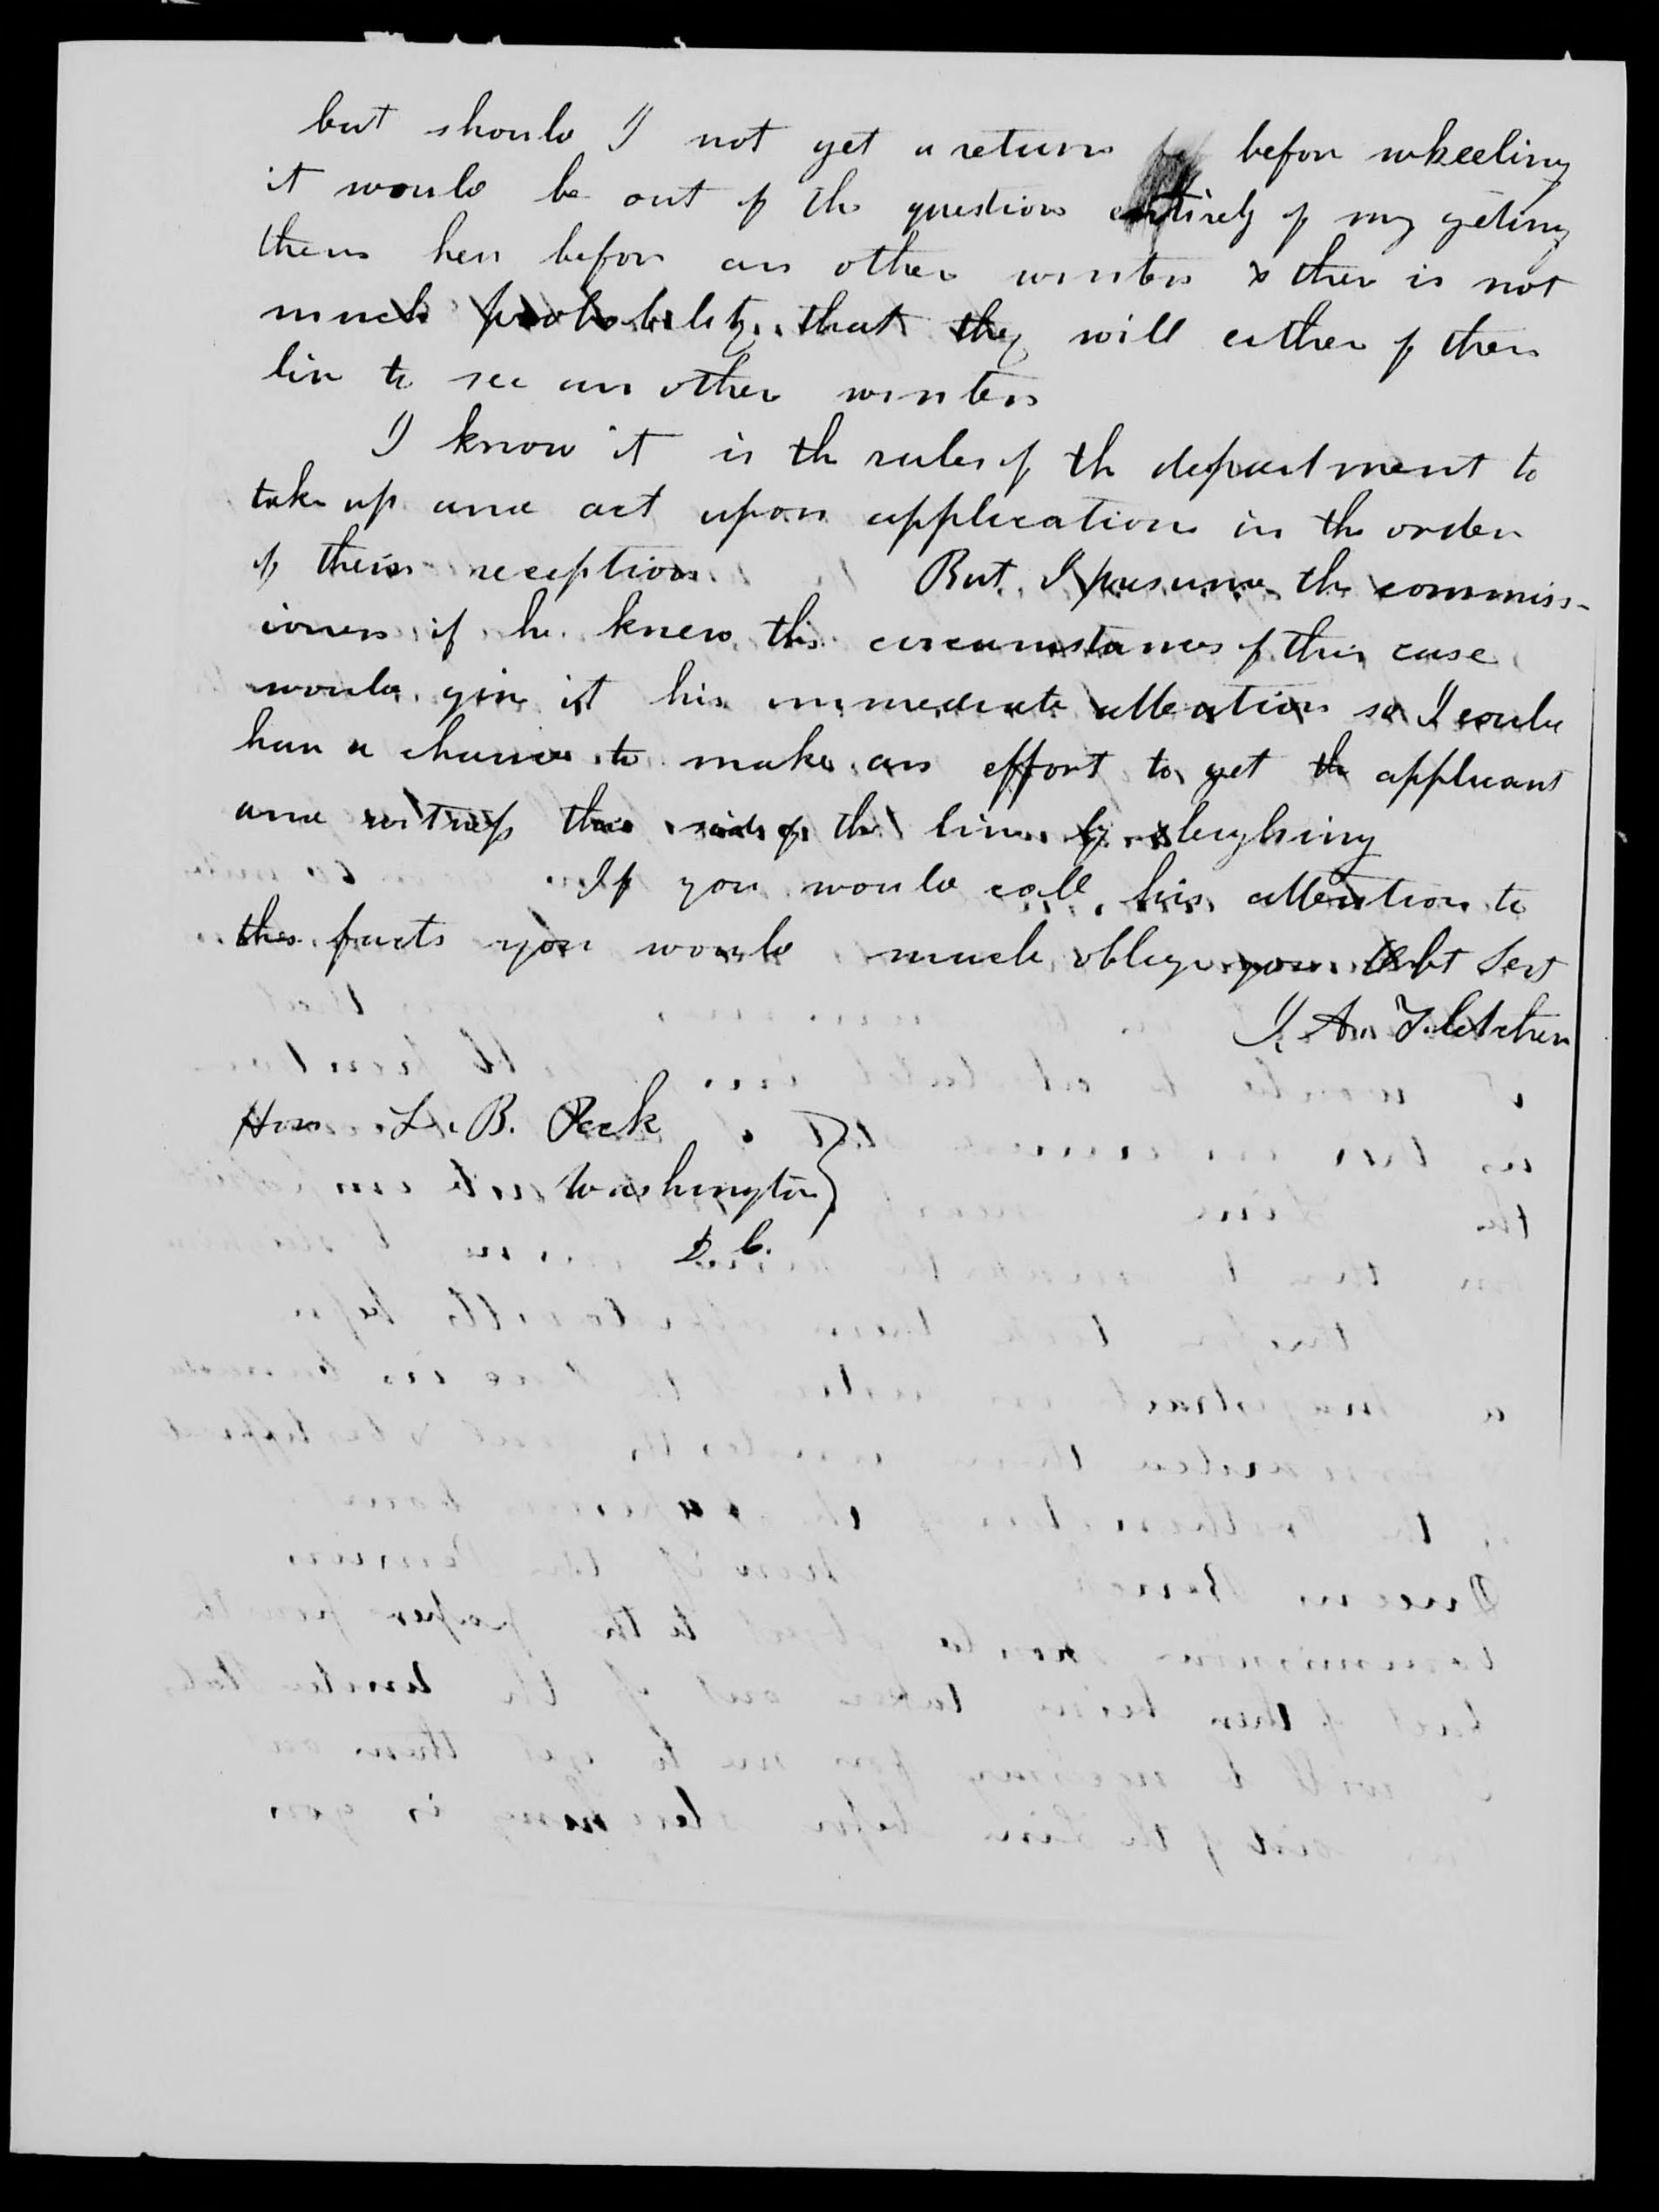but should I not get a return before wheeling it would be out of the question entirely of my getting them here before another winter & there is not much probability that they will either of them live to see another winter
I know it is the rules of the department to take up and act upon application in the order of their reception.  But I presume the commissioner if he knew the circumstances of this case would give it his immediate attention so I could have a chance to make an effort to get the applicant and witnesses this side of the line by sleighing
If you would call his attention to the facts you would much oblige your Obdt Servt
J. A. Fletcher
Hon  L. B. Peck
Washington
D. C.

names: J A Fletcher, L B Peck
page: 14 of 27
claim: rejected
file: R. 865, Napthala Bishop, Vt.